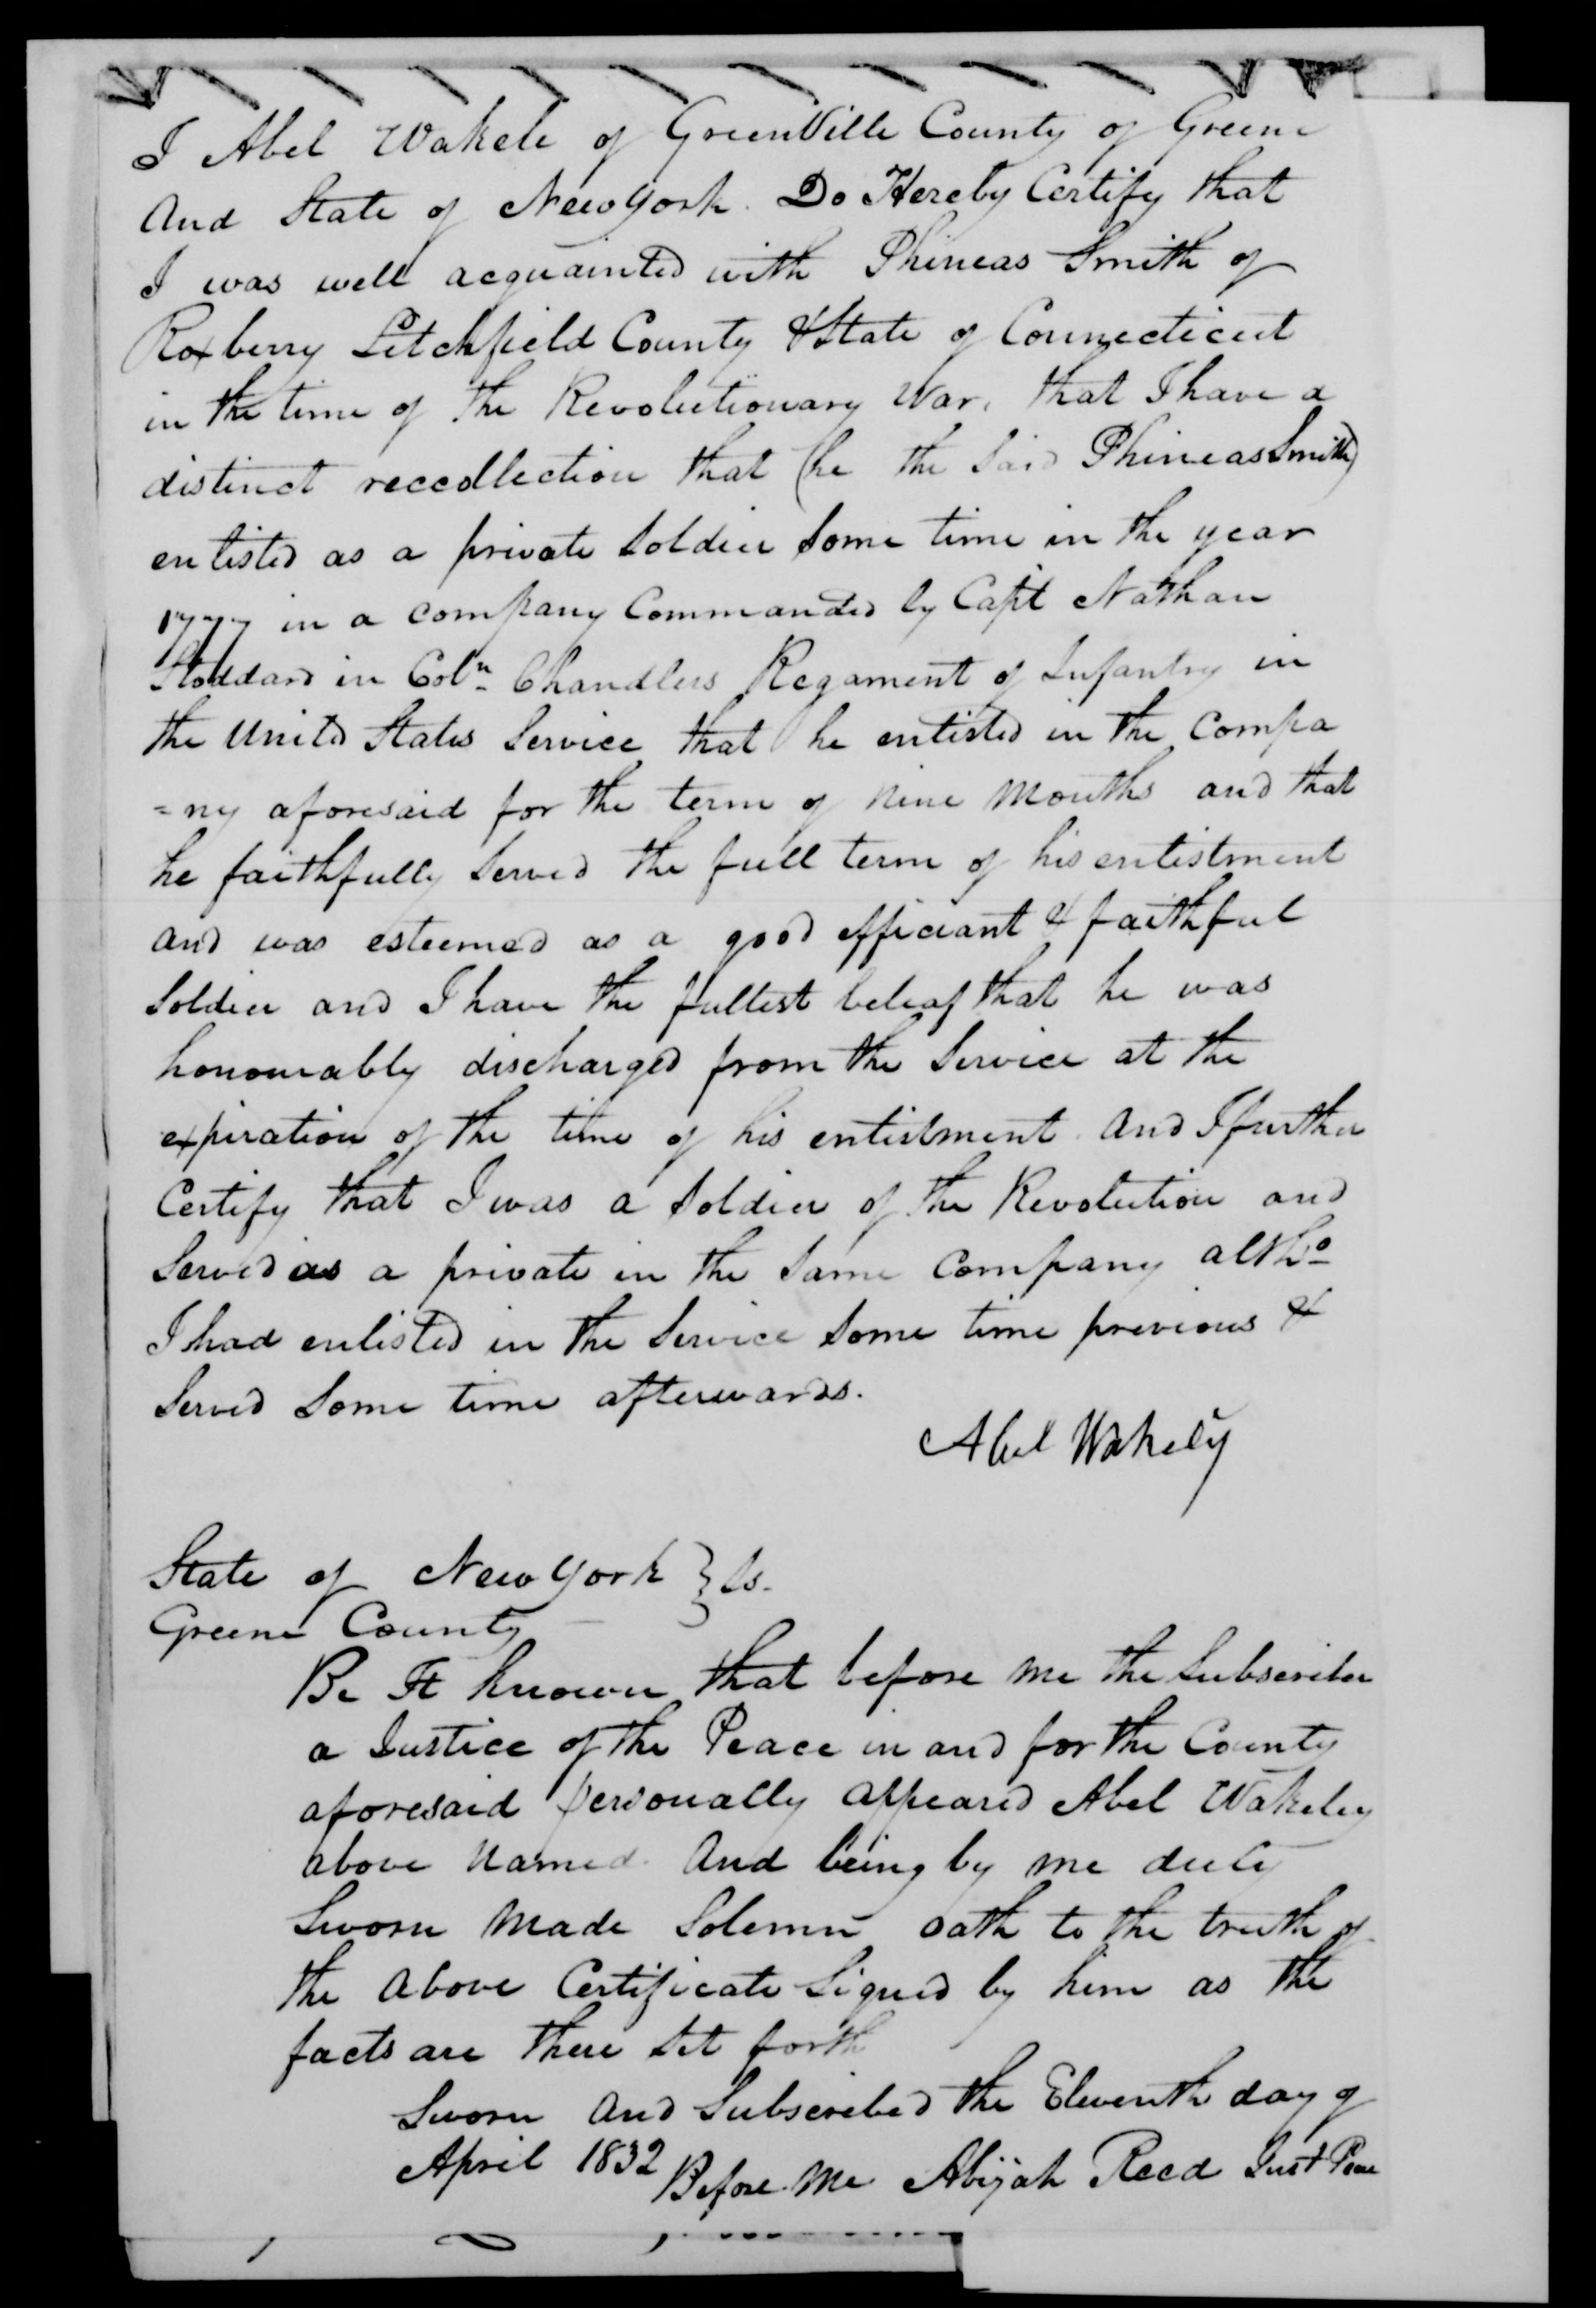I Abel Wakely of Greenville County of Greene and State of New York Do Hereby Certify that I was well acquainted with Phineas Smith of Roxberry Litchfield County & State of Connecticut & in the time of the Revolutionary War, that I have a distinct recollection that (he the said Phineas Smith) enlisted as a private soldier some time in the year 1777 in a company commanded by Capt Nathan Stoddard in Coln Chandlers Regiment of Infantry in the United States Service that he enlisted in the company aforesaid for the term of nine months and that he faithfully served the full term of his enlistment and was esteemed as a good efficient & faithful Soldier and I have the fullest belief that he was honourably discharged from the service at the expiration of the time of his enlistment and I further 1 certify that I was a soldier of the Revolution and served as a private in the same company all I had enlisted in the service some time previous & Served some time afterwards.   
Abel Wakely 
State of New York 
Greene County Ss.}   Be it known that before me the Subscriber a Justice of the Peace in and for the County aforesaid personally appeared Abel Wakely above named and being by me duly Sworn made Solemn oath to the truth of the above certificate signed by him as the facts are there set forth.   
Sworn and Subscribed the Eleventh day of April 1832 
Before me Abijah Reed Just Peace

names: Phineas Smith; Abijah Reed; Abel Wakeley; Phineas Smith; Abel Wakele; Nathan Stoddard; Abel Wakeley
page: 45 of 55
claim: widow's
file: W. 11480, for Phinehas Smith, Connecticut